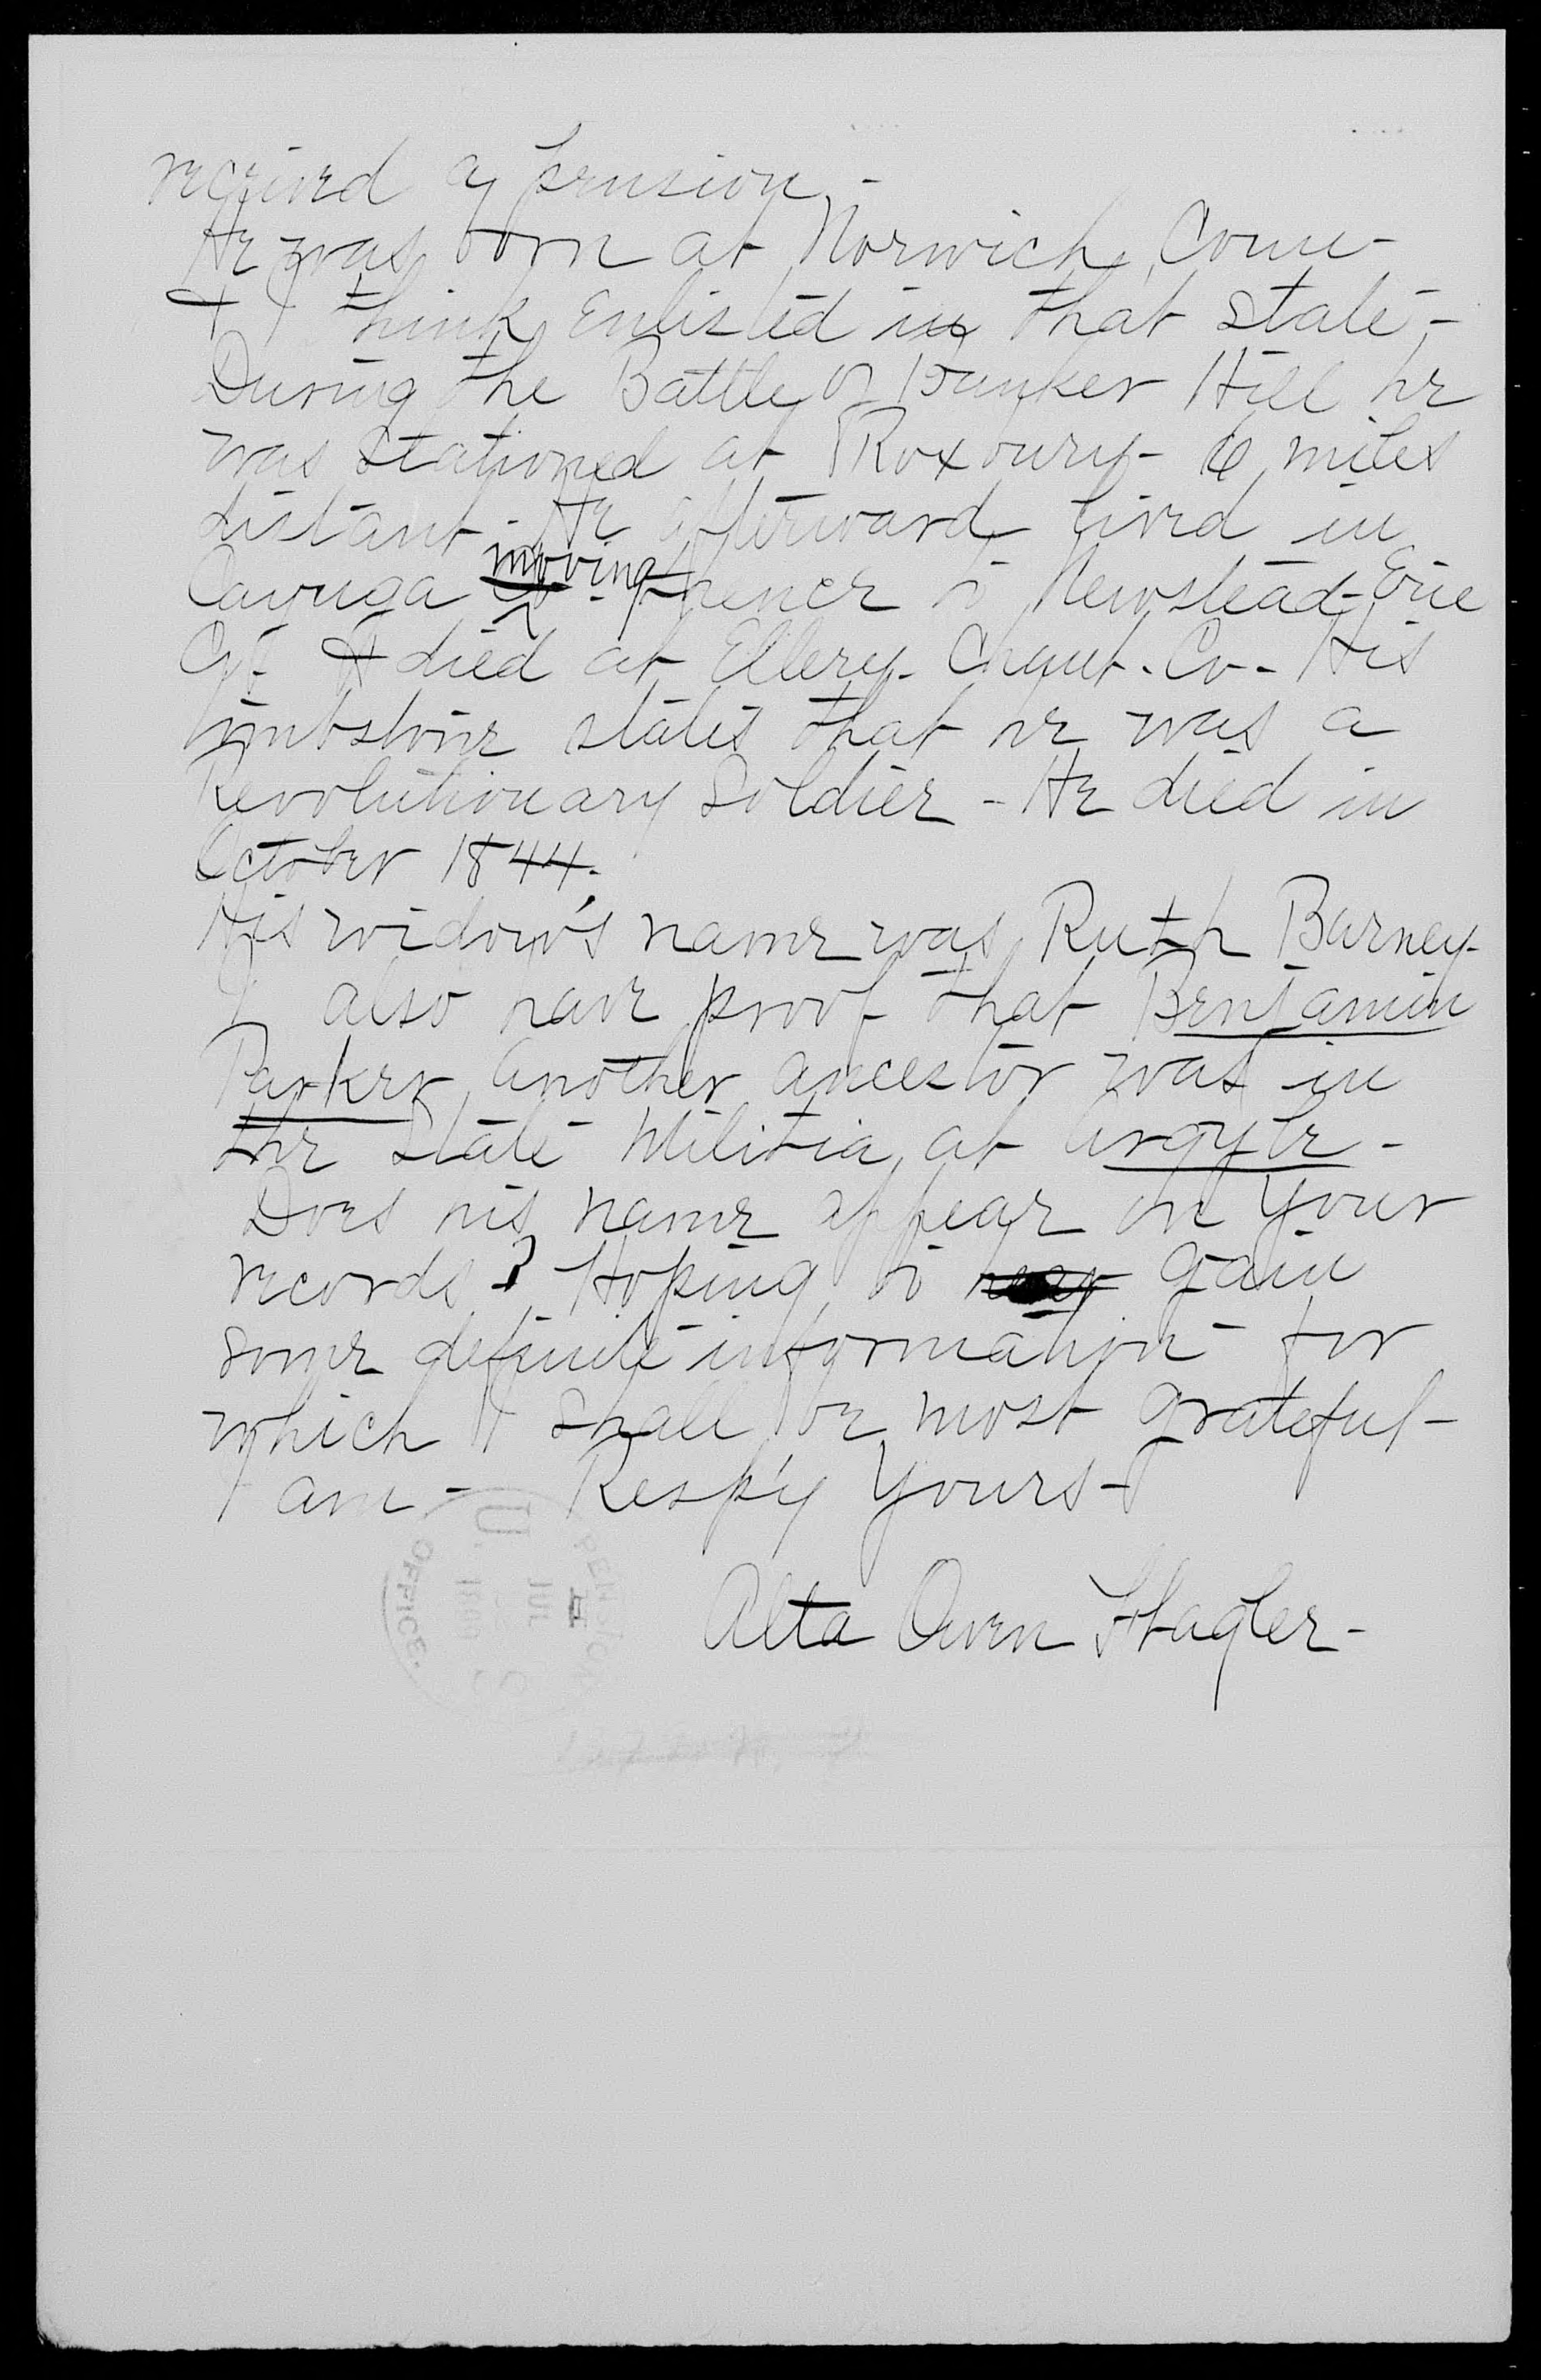received a pension.

He was born at Norwich, Conn. & I think enlisted in that state. During the Battle of Bunker Hill, he was stationed at Roxbury 6 miles distant. He afterward lived in Cayuga moving hence to Newstead - Erie Cy
& died at Ellery, Chaut. Co. His Tombstone states that he was a Revolutionary Soldier. He died in October 1844.

His widow's name was Ruth Barney. I also have proof that Benjamin Parker [underlined], another ancestor was in the State Militia, at Argyle [underlined]. Does his name appear in your records? Hoping to gain some definite information for which I shall be most grateful. I am - Kesp'y Yours
Alta Owen Flagler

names: Ruth Barney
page: 53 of 61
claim: widow's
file: W. 4.124, Luther Barney, Conn. Privateer.